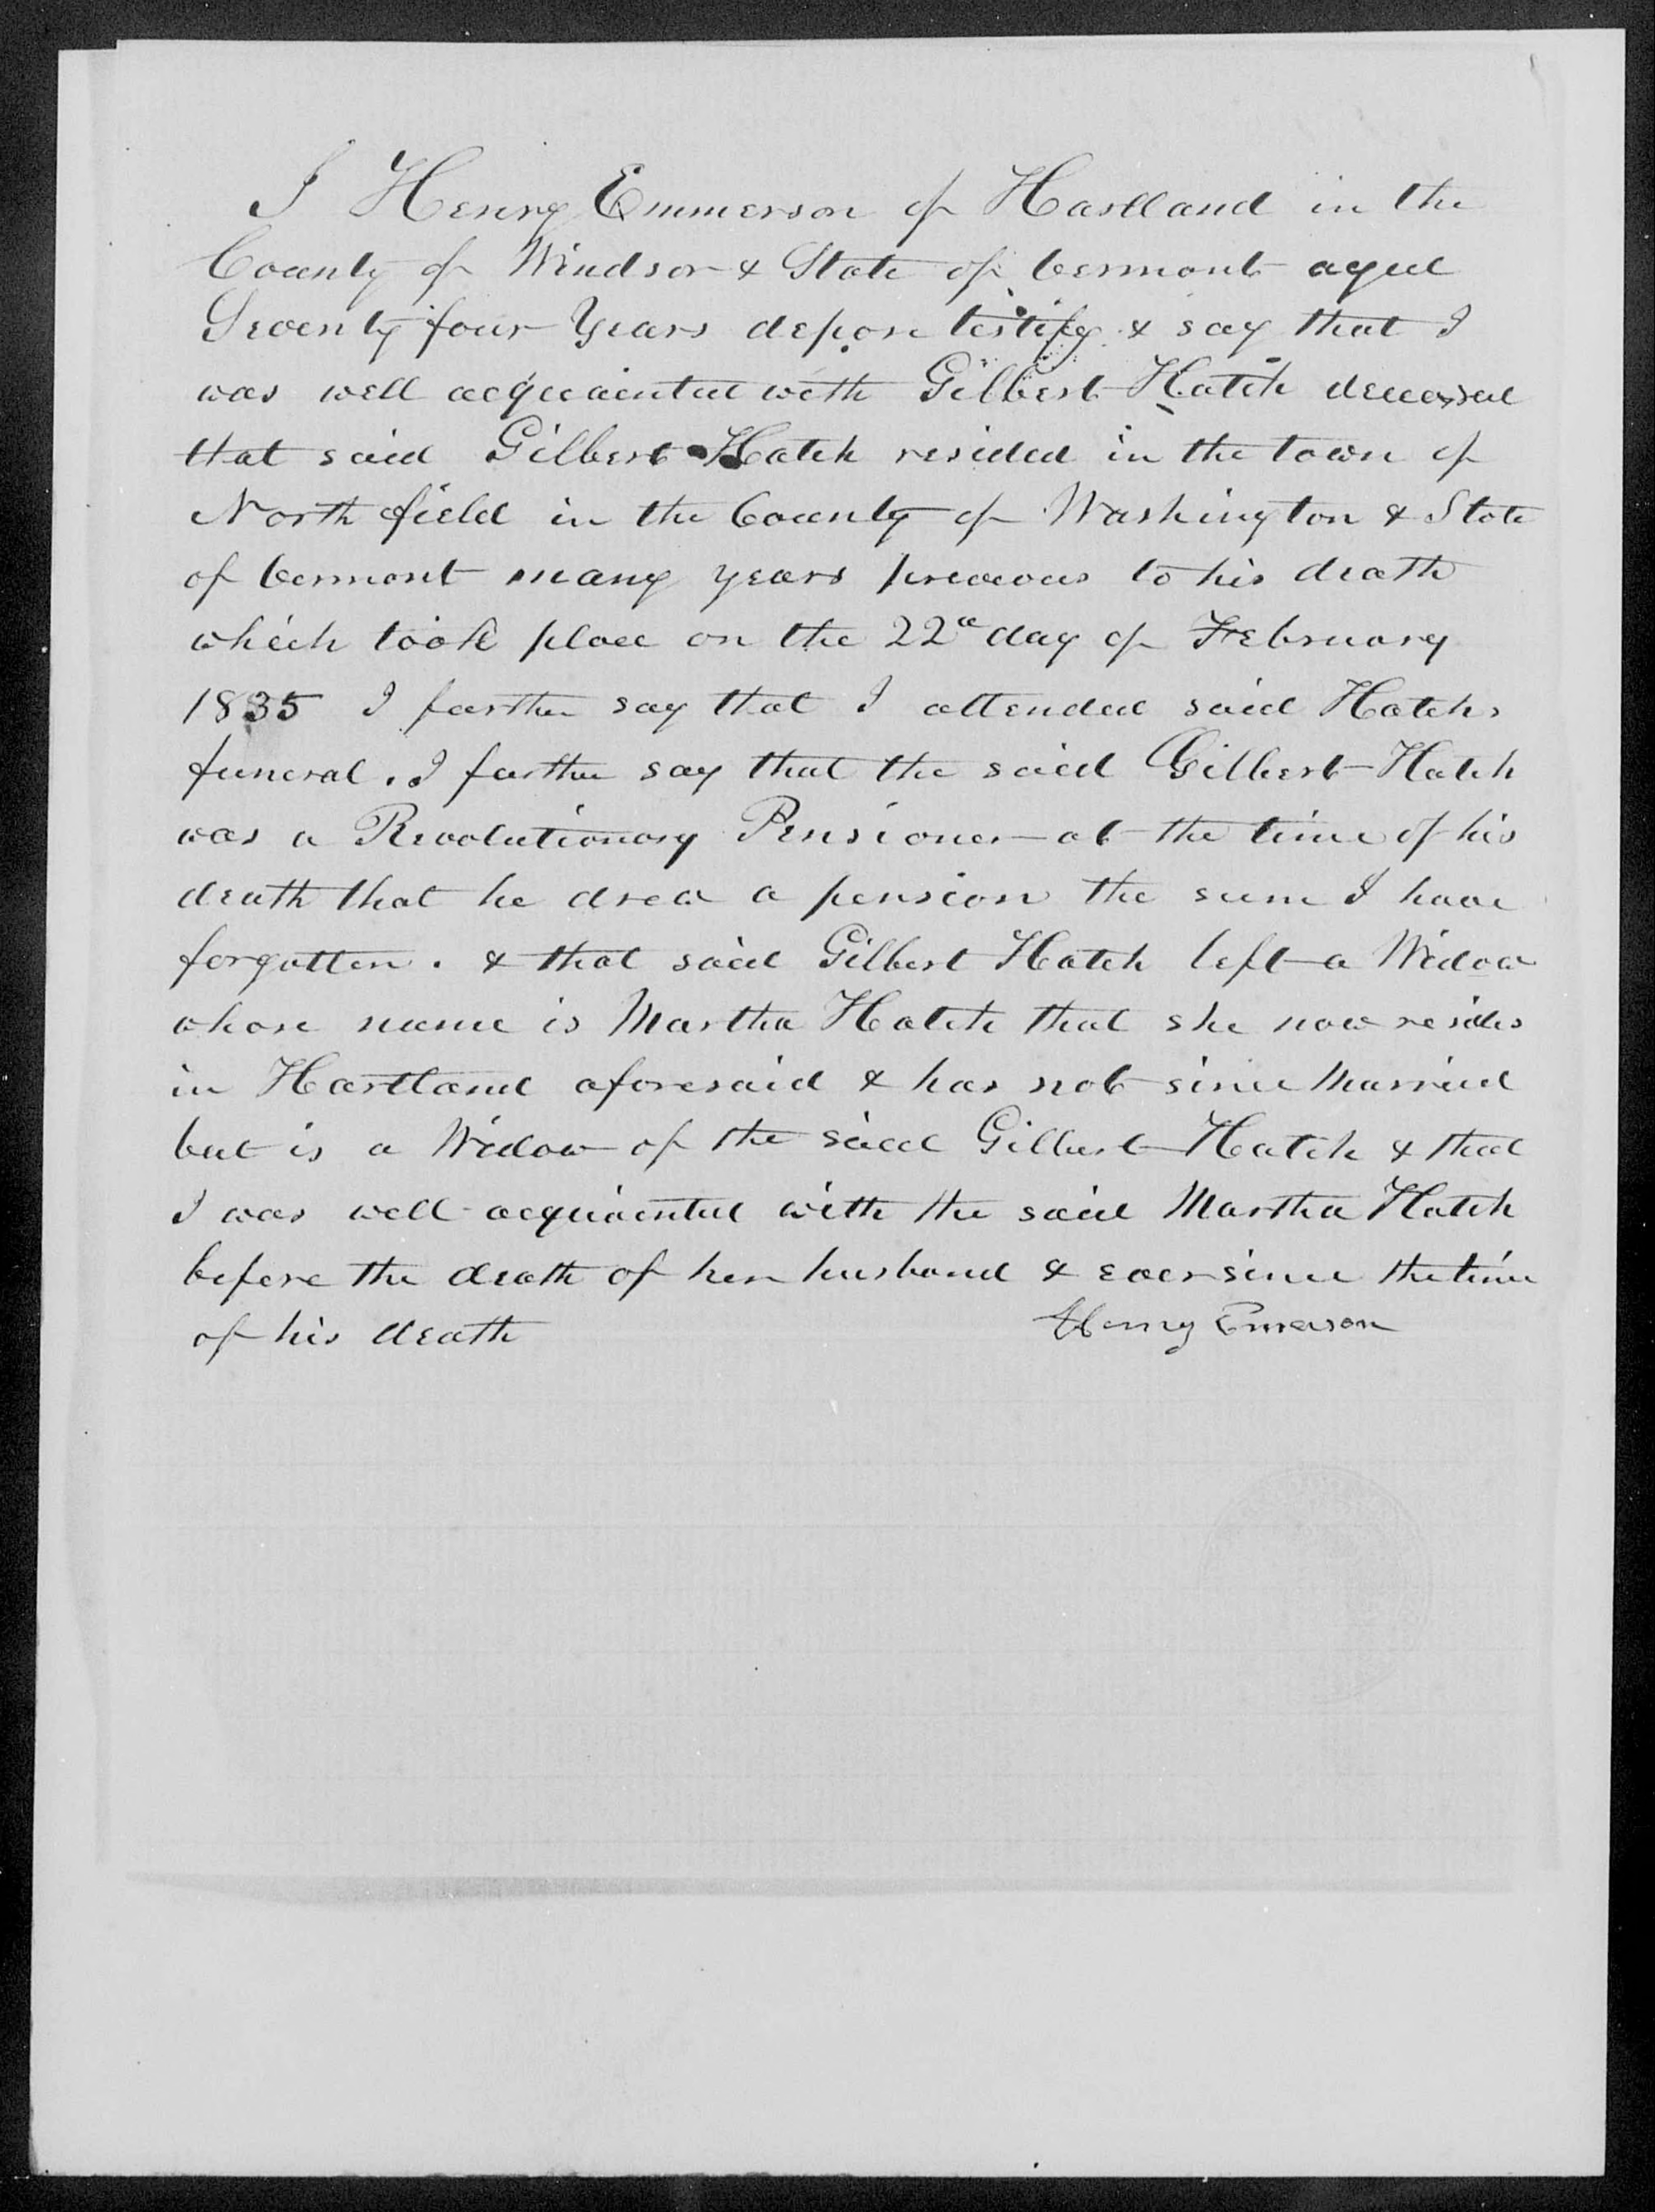I Henry Emmerson of Hartland in the County of Windsor & State of Vermont aged Seventy four Years depose testify & say that I was well acquainted with Gilbert Hatch deceased that said Gilbert Hatch resided in the town of Northfield in the County of Washington & State of Vermont many years previous to his death which took place on the 22nd day of February 1835 I farther say that I attended said Hatchs funeral.  I farther say that the said Gilbert Hatch was a Revolutionary Pensioner at the time of his death that he drew a pension the sum I have forgotten & that said Gilbert Hatch left a Widow whose name is Martha Hatch that she now resides in Hartland aforesaid & has not since married but is a widow of the said Gilbert Hatch  & that I was well acquainted with the said Martha Hatch before the death of her husband & ever since the time of his death

Henry Emerson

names: Henry Emmerson, Henry Emerson, Gilbert Hatch, Gilbert Hatch, Gilbert Hatch, Martha Hatch, Gilbert Hatch, Martha Hatch, Hatch, Gilbert Hatch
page: 26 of 47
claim: widow's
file: W. 225, Gilbert Hatch, Conn.